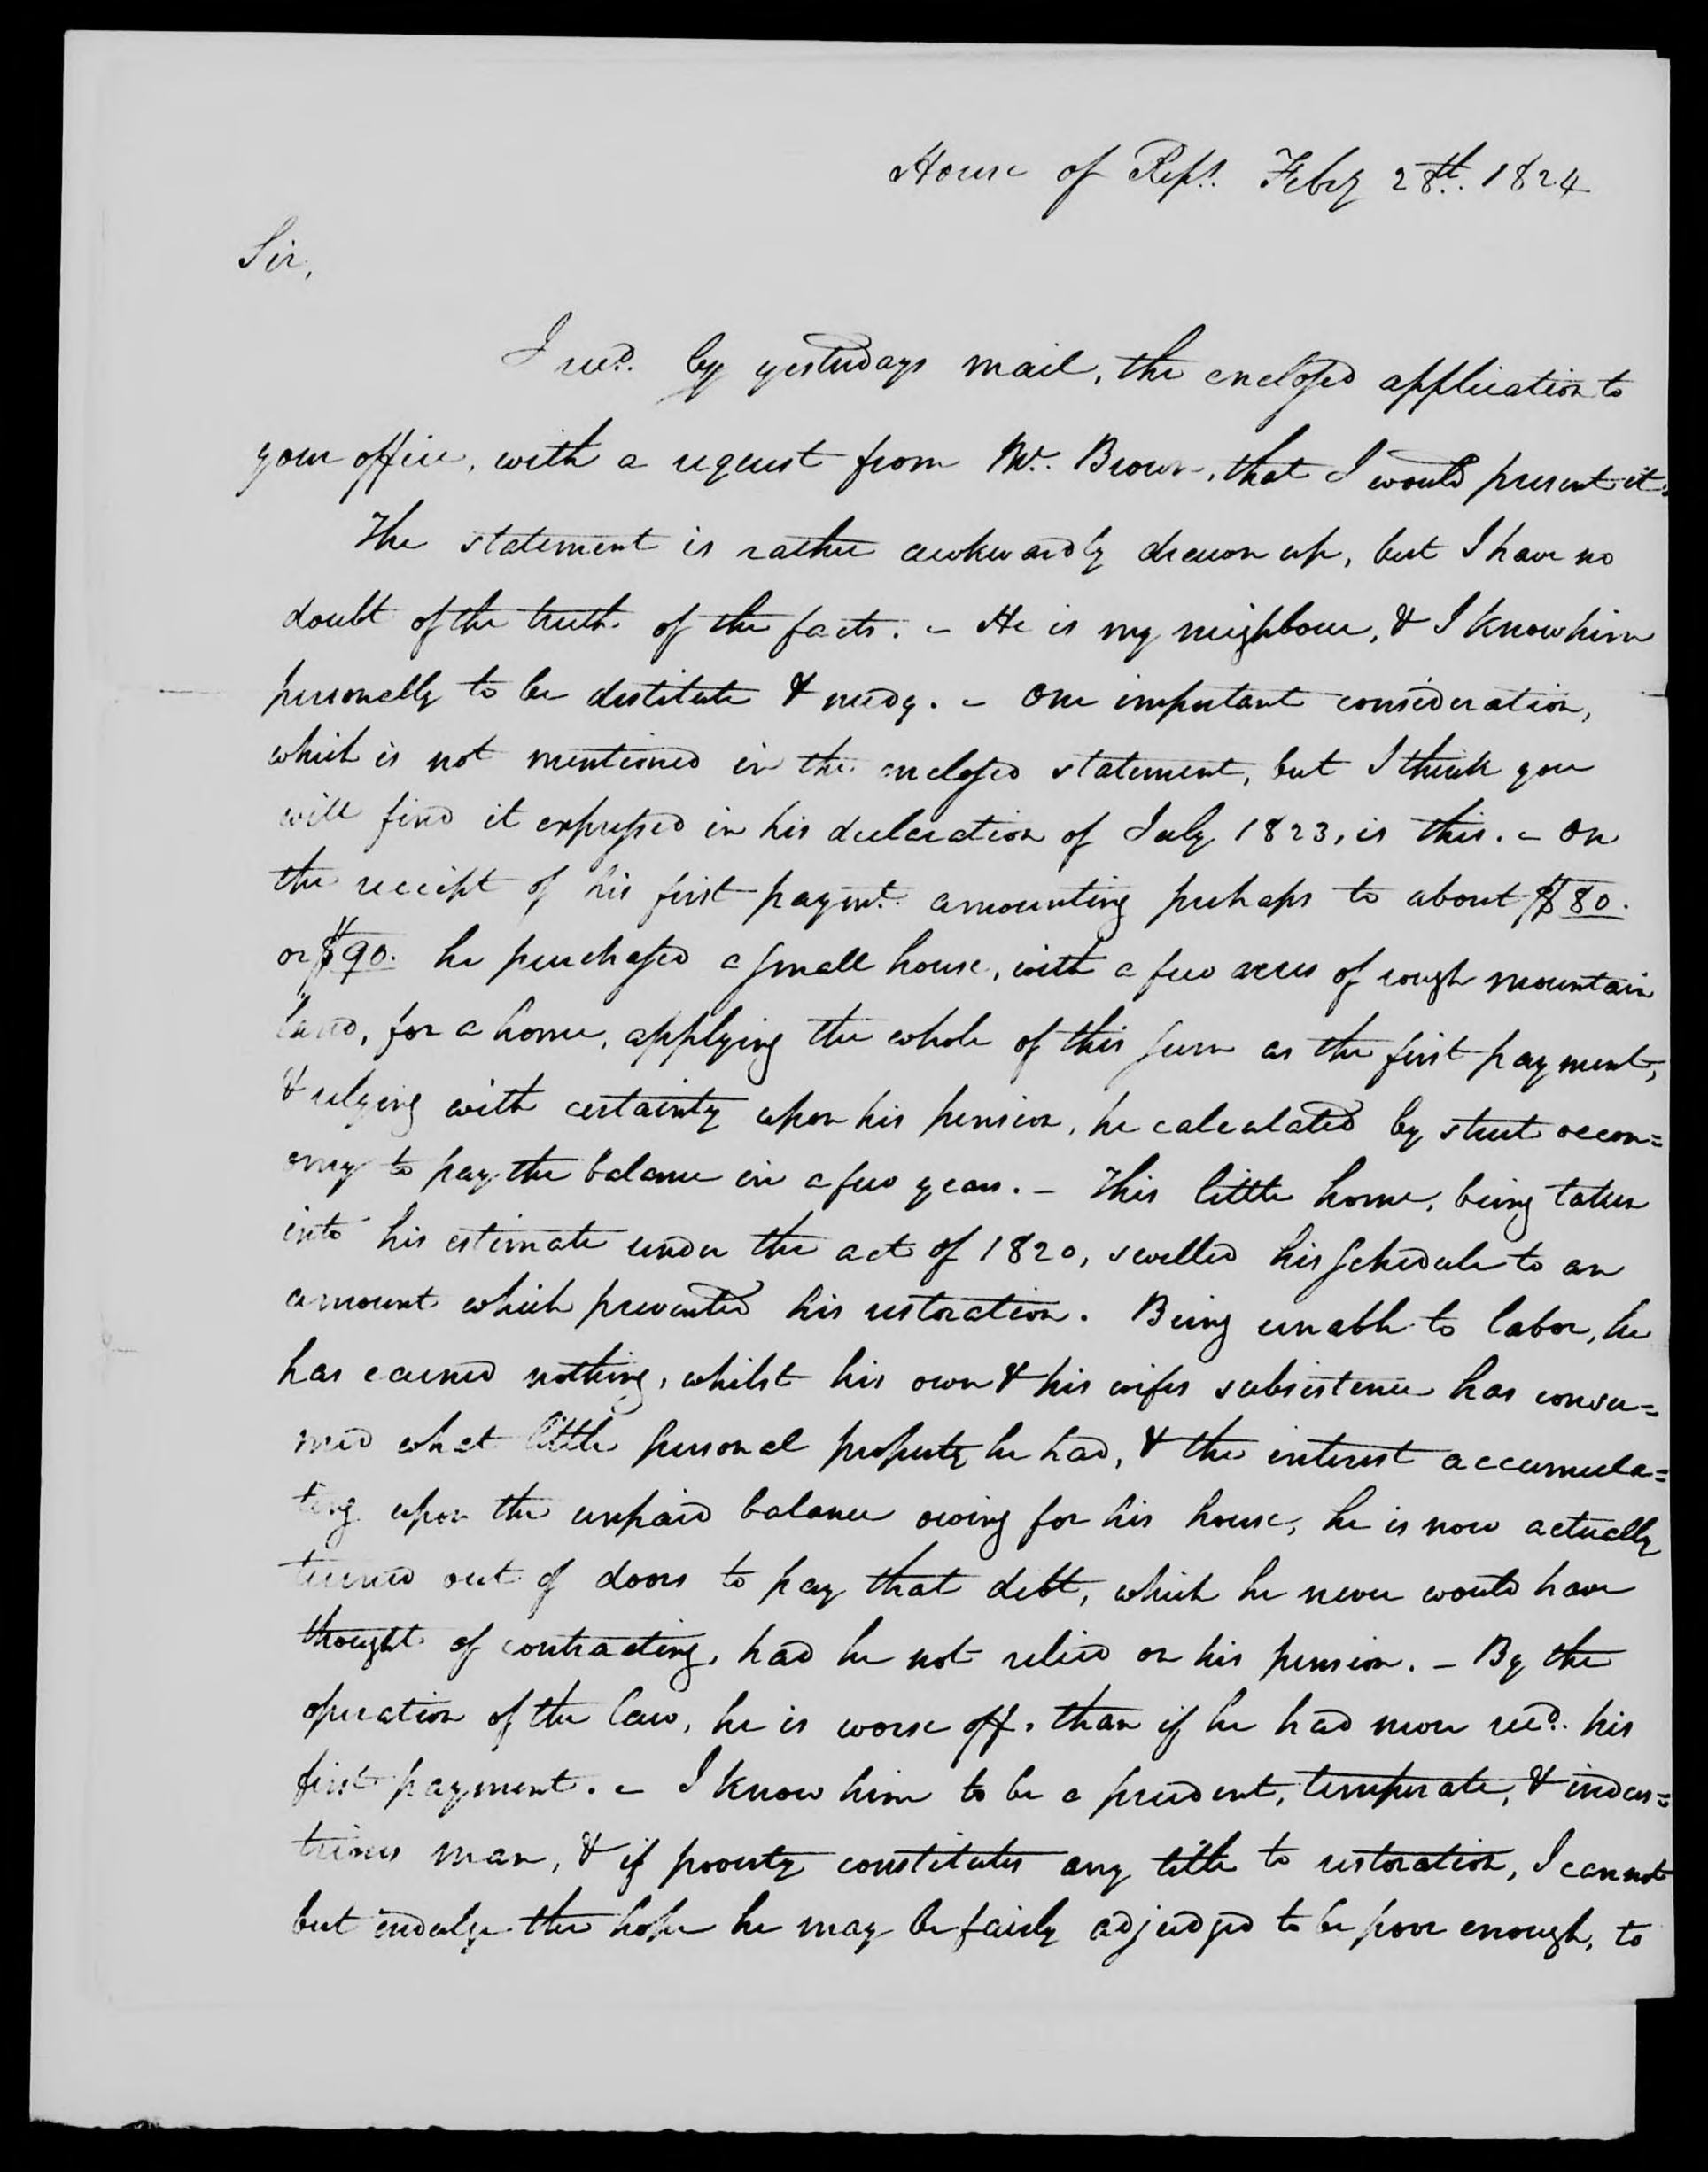House of Reps Febr 28th, 1824

Sir,
I see by yesterdays mail, the enclosed application to your office with a request from Mr Brown, that I would present it. The statement is rather awkwardly drawn up, but I have no doubt of the truth of the facts. He is my neighbor and I know him personally to be destitute & [illegible].  One important consideration which is not mentioned in the enclosed statement, but I think you will find it [illegible] in his declaration of July 1823, is this.  On the receipt of his first payment amounting perhaps to about $80 or $90 he purchased a small house with a few acres of rough mountain land, for a home, applying the whole of this sum as the first payment & relying with certainty upon his pension, he calculated by [illegible]to pay the balance in a few years.  This little home, being taken into his estimate upon the act of 1820, [illegible] his [illegible] to an amount which prevented his restoration.  Being unable to labor, he has earned nothing, whilst his own & his wife's subsistence has consumed what little personal property he had, & the interest accumulating upon the unpaid balance owing for his house, he is now actually turned out of doors to pay that debt, which he never would have thought of contracting, had he not relied on his pension.  By the operation of the law, he is worse off than if he had never recd. his first payment.  I know him to be a prudent, temperate & industrious man & if honesty constitutes any title to restoration, I cannot but indulge the hope he may fairly adjudged to be poor enough to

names: Brown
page: 15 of 27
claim: survivor's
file: S. 34,094, Ezra Brown, New Jersey